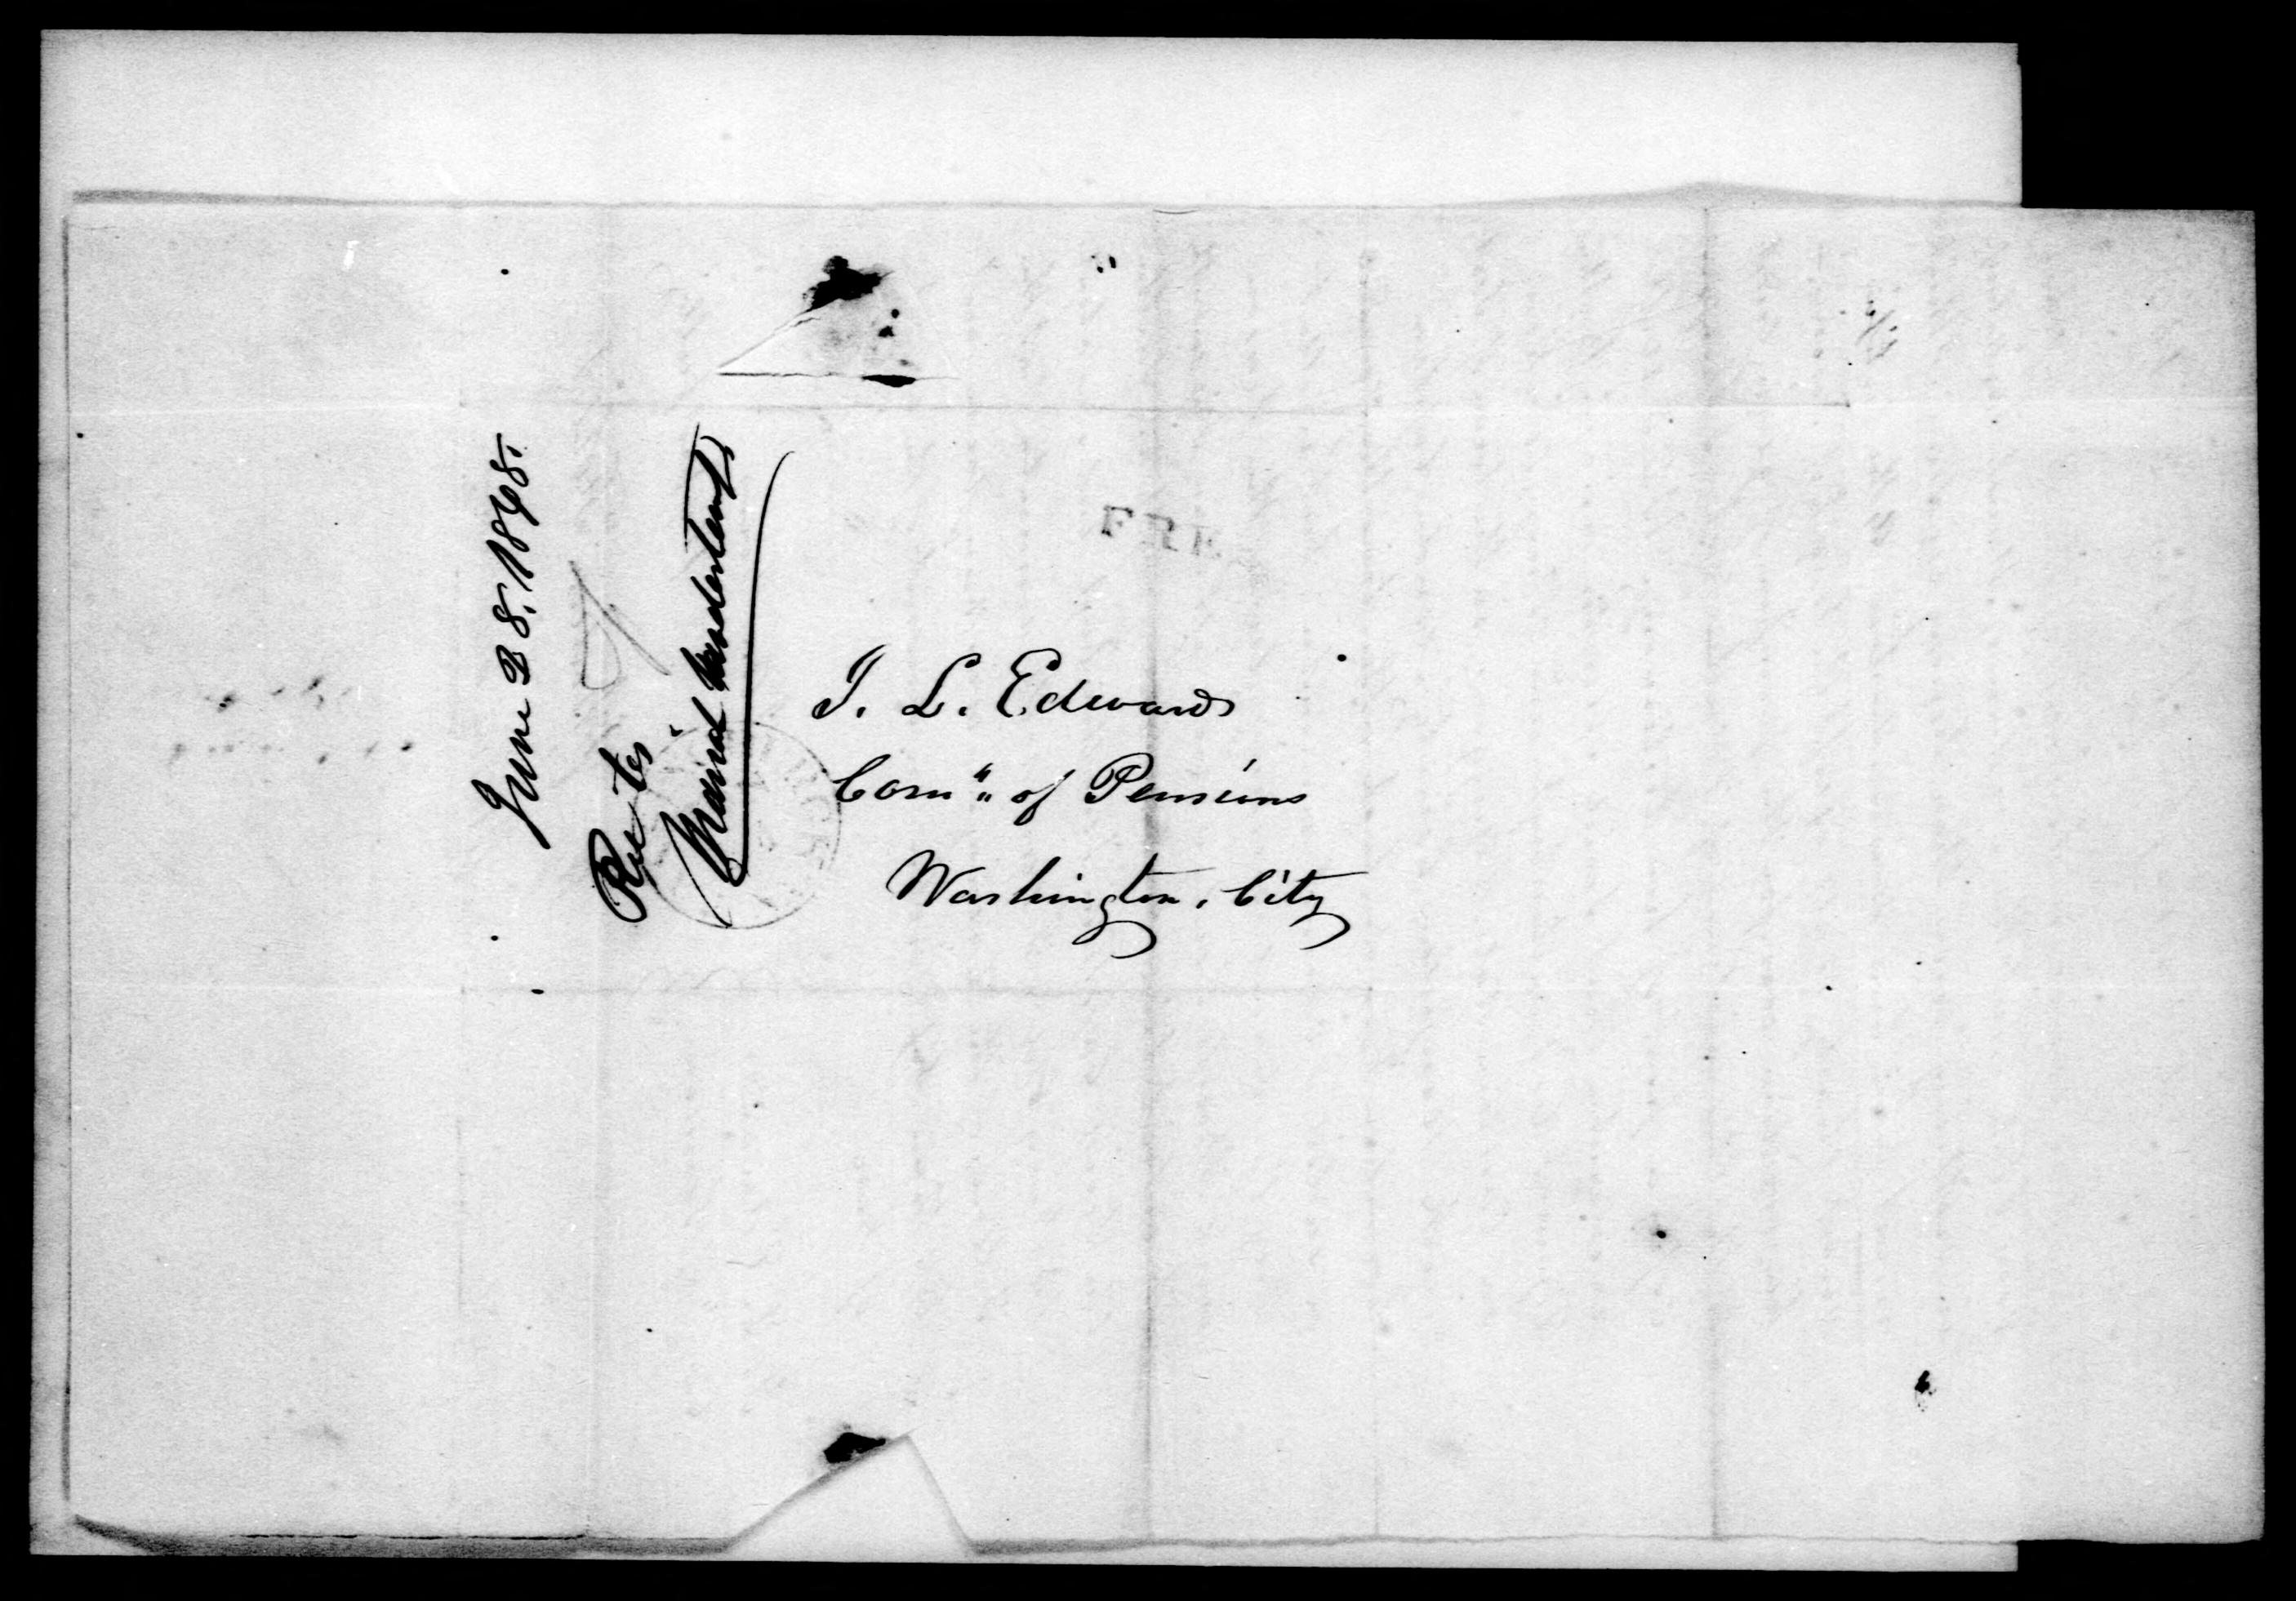[stamped]
FREE

J. L. Edwards
Comr of Pensions
Washington, City

[written vertically on left side of page]
June 28, 1848.

Rec tes
Maria VanAntwerp [name is underlined]

[round stamp]
LANSINGBURGH N.Y.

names: Mariah Vanantwerp, J L Edwards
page: 61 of 70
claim: rejected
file: R. 10,832, Martin Van Buskirk, New York.